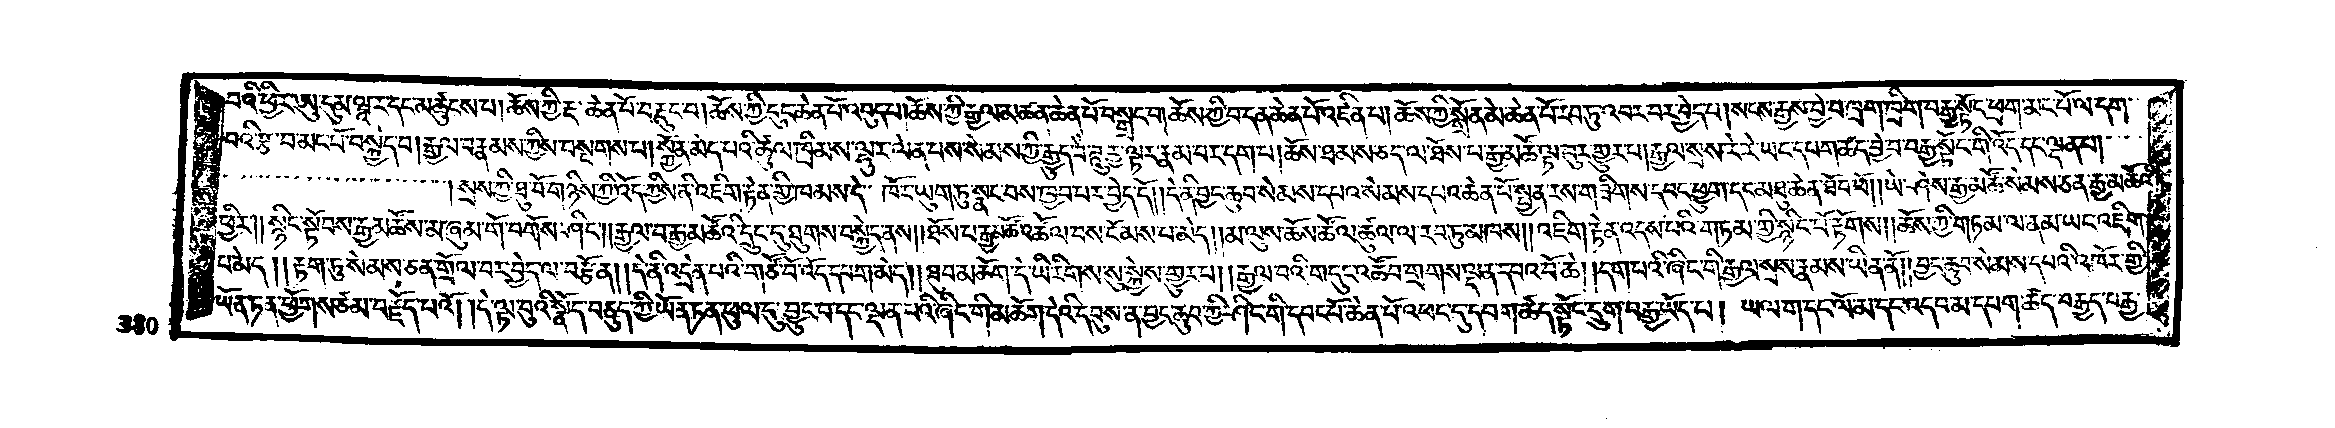བའི་ཕྱིར་ཨུ་དུམ་ཝཱ་ར་དང་མཚུངས་པ། ཆོས་ཀྱི་རྔ་ཆེན་པོ་བརྡུང་བ། ཆོས་ཀྱི་དུང་ཆེན་པོ་འབུད་པ། ཆོས་ཀྱི་རྒྱལ་མཚན་ཆེན་པོ་བསྒྲང་བ། ཆོས་ཀྱི་བ་དན་ཆེན་པོ་འཛིན་པ། ཆོས་ཀྱི་སྒྲོན་མེ་ཆེན་པོ་རབ་ཏུ་འབར་བར་བྱེད་པ། སངས་རྒྱས་བྱེ་བ་ཁྲག་ཁྲིག་བརྒྱ་སྟོང་ཕྲག་མང་པོ་ལ་དག་
བའི་རྩ་བ་མང་པ་བསྐྱེད་བ། རྒྱལ་བ་རྣམས་ཀྱིས་བསྔགས་པ། སྐྱོན་མེད་པའི་ཚུལ་ཁྲིམས་ལྷུར་ལེན་པས་སེམས་ཀྱི་རྒྱུད་བཻ་ཌཱུརྱ་ལྟར་རྣམ་པར་དག་པ། ཆོས་ཐམས་ཅད་ལ་ཐོས་པ་རྒྱ་མཚོ་ལྟ་བུར་གྱུར་པ། རྒྱལ་སྲས་རེ་རེ་ཡང་དཔག་ཆད་བྱེ་བ་བརྒྱ་སྟོང་གི་འོད་དང་ལྡན་པ།
སྲས་ཀྱི་ཐུ་བོ་གཉིས་ཀྱི་འོད་ཀྱིས་ནི་འཇིག་རྟེན་གྱི་ཁམས་དེ་ཁོར་ཡུག་ཏུ་སྣང་བས་ཁྱབ་པར་བྱེད་དེ། །དེ་ནི་བྱང་ཆུབ་སེམས་དཔའ་སེམས་དཔའ་ཆེན་པོ་སྤྱན་རས་གཟིགས་དབང་ཕྱུག་དང་མཐུ་ཆེན་ཐོབ་པོ། །ཡེ་ཤེས་རྒྱ་མཚོ་སེམས་ཅན་རྒྱ་མཚོའི་
ཕྱིར༑ ༑སྙིང་སྟོབས་རྒྱ་མཚོས་མ་ཞུམ་གོ་བགོས་ཤིང་། །རྒྱལ་བ་རྒྱ་མཚོའི་དྲུང་དུ་ཐུགས་བསྐྱེད་ནས། །ཐོས་པ་རྒྱ་མཚོའི་འཚོལ་བས་ངོམས་པ་མེད། །མ་ལུས་ཆོས་ཚོལ་ཚུལ་ལ་རབ་ཏུ་མཁས། །འཇིག་རྟེན་འདས་པའི་གཏམ་གྱི་སྙིང་པོ་རྟོགས། །ཆོས་ཀྱི་གཏམ་ལ་ནམ་ཡང་འཇིགས་
པ་མེད། །རྟག་ཏུ་སེམས་ཅན་གྲོལ་བར་བྱེད་ལ་བརྩོན། །དེ་ནི་འདྲེན་པའི་གཙོ་བོ་འོད་དཔག་མེད། །ཐུབ་མཆོག་དེ་ཡི་རིགས་སུ་སྐྱེས་གྱུར་པ། །རྒྱལ་བའི་གདུང་འཚོབ་གྲགས་ལྡན་དཔའ་བོ་ཆེ། །དག་པའི་ཞིང་གི་རྒྱལ་སྲས་རྣམས་ཡིན་ནོ། །བྱང་ཆུབ་སེམས་དཔའི་འཁོར་གྱི་
ཡོན་ཏན་ཕྱོགས་ཙམ་བརྗོད་པའོ། །དེ་ལྟ་བུའི་སྣོད་བཅུད་ཀྱི་ཡོན་ཏན་ཕུལ་དུ་བྱུང་བ་དང་ལྡན་པའི་ཞིང་གི་མཆོག་དེའི་དབུས་ན་བྱང་ཆུབ་ཀྱི་ཤིང་གི་དབང་པོ་ཆེན་པོ་འཕང་དུ་དཔག་ཚད་སྟོང་དྲུག་བརྒྱ་ཡོད་པ། ཡལ་ག་དང་ལོ་མ་དང་འདབ་མ་དཔག་ཆེད་བརྒྱད་བརྒྱ་